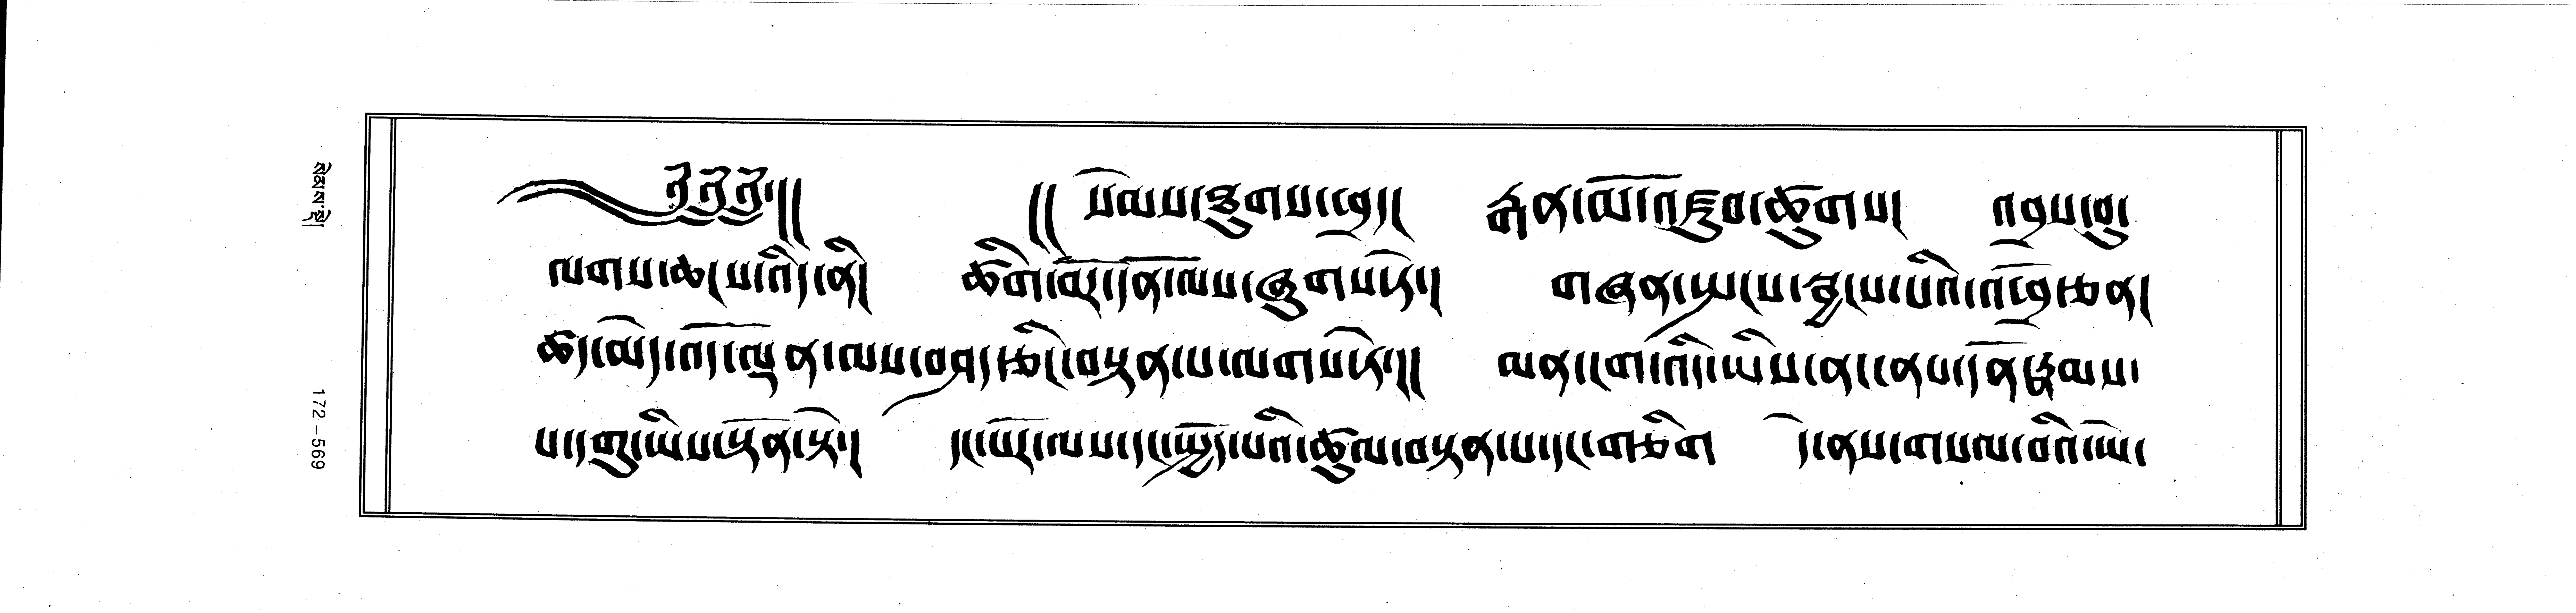སེམས་ཐུགས་ཕྲད། རྒན་མོ་འཛུབ་ཚུགས། འབྲས་བུ་
ལགས་ཆངས་འདི་ནི། ཚིག་བོར་དོན་ལས་ཞུགས་ཏེ། གཞན་སྤངས་སྦྱངས་པའི་འཕྲོ་ཅན། 
ཚད་མེད་འོད་ལྡན་ལས་བཤད་ཅིང་བསྟན་པ་ལགས་ཏེ། མན་ངག་འདི་ཡིས་ནང་ནས་དོན་རྣམ་
པ་དགུ་ཡིས་སྟོན་སྟེ། དང་པོར་ལས་དང་སྤྱོད་པའི་ཚུལ་བསྟན་པ་དང་གཅིག དེ་ནས་གསལ་བའི་ཡེ་